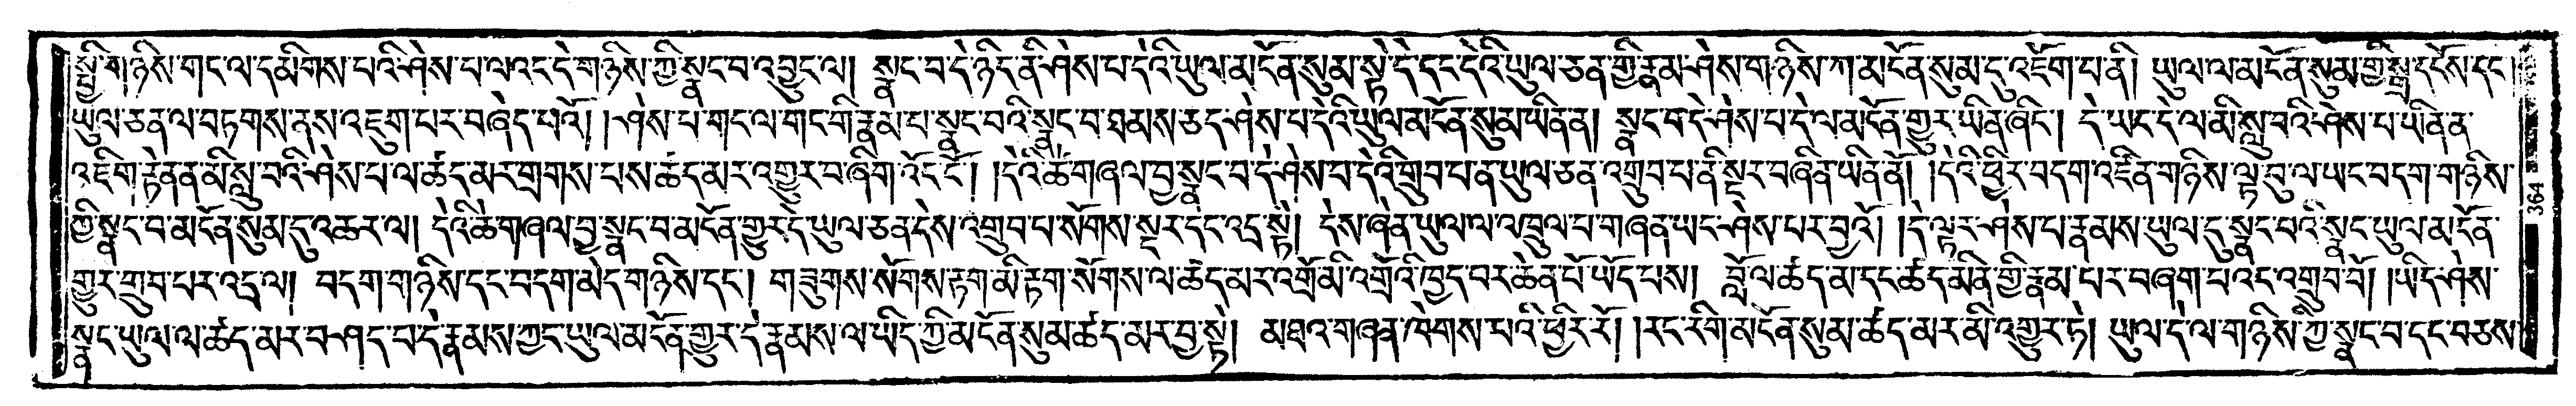སྤྱི་གཉིས་གང་ལ་དམིགས་པའི་ཤེས་པ་ལའང་དེ་གཉིས་ཀྱི་སྣང་བ་འབྱུང་ལ། སྣང་བ་དེ་ཉིད་ནི་ཤེས་པ་དེའི་ཡུལ་མངོན་སུམ་སྟེ་དེ་དང་དེའི་ཡུལ་ཅན་གྱི་རྣམ་ཤེས་གཉིས་ཀ་མངོན་སུམ་དུ་འཇོག་པ་ནི། ཡུལ་ལ་མངོན་སུམ་གྱི་སྒྲ་དངོས་དང་
ཡུལ་ཅན་ལ་བཏགས་ནས་འཇུག་པར་བཞེད་པའོ། །ཤེས་པ་གང་ལ་གང་གི་རྣམ་པ་སྣང་བའི་སྣང་བ་ཐམས་ཅད་ཤེས་པ་དེའི་ཡུལ་མངོན་སུམ་ཡིན་ན། སྣང་བ་དེ་ཤེས་པ་དེ་ལ་མངོན་གྱུར་ཡིན་ཞིང་། དེ་ཡང་དེ་ལ་མི་སླུ་བའི་ཤེས་པ་ཡིན་ན་
འཇིག་རྟེན་ན་མི་སླུ་བའི་ཤེས་པ་ལ་ཚད་མར་གྲགས་པས་ཚད་མར་འགྱུར་བ་ཞིག་འོང་ངོ། །དེའི་ཚེ་གཞལ་བྱ་སྣང་བ་དེ་ཤེས་པ་དེའི་གྲུབ་པ་ན་ཡུལ་ཅན་འགྲུབ་པ་ནི་སྔར་བཞིན་ཡིན་ནོ། །དེའི་ཕྱིར་བདག་འཛིན་གཉིས་ལྟ་བུ་ལ་ཡང་བདག་གཉིས་
ཀྱི་སྣང་བ་མངོན་སུམ་དུ་འཆར་ལ། དེའི་ཚེ་གཞལ་བྱ་སྣང་བ་མངོན་གྱུར་དེ་ཡུལ་ཅན་དེས་འགྲུབ་པ་སོགས་སྔར་དང་འདྲ་སྟེ། དེས་ཞེན་ཡུལ་ལ་འཁྲུལ་པ་གཞན་ཡང་ཤེས་པར་བྱའོ། །དེ་ལྟར་ཤེས་པ་རྣམས་ཡུལ་དུ་སྣང་བའི་སྣང་ཡུལ་མངོན་
གྱུར་གྲུབ་པར་འདྲ་ལ། བདག་གཉིས་དང་བདག་མེད་གཉིས་དང་། གཟུགས་སོགས་རྟག་མི་རྟག་སོགས་ལ་ཚད་མར་འགྲོ་མི་འགྲོའི་ཁྱད་པར་ཆེན་པོ་ཡོད་པས། བློ་ལ་ཚད་མ་དང་ཚད་མིན་གྱི་རྣམ་པར་བཞག་པའང་འགྲུབ་བོ། །ཡིད་ཤེས་
སྣང་ཡུལ་ལ་ཚད་མར་བཤད་པ་དེ་རྣམས་ཀྱང་ཡུལ་མངོན་གྱུར་དེ་རྣམས་ལ་ཡིད་ཀྱི་མངོན་སུམ་ཚད་མར་བྱ་སྟེ། མཐའ་གཞན་ཁེགས་པའི་ཕྱིར་རོ། །རང་རིག་མངོན་སུམ་ཚད་མར་མི་འགྱུར་ཏེ། ཡུལ་དེ་ལ་གཉིས་ཀྱི་སྣང་བ་དང་བཅས་